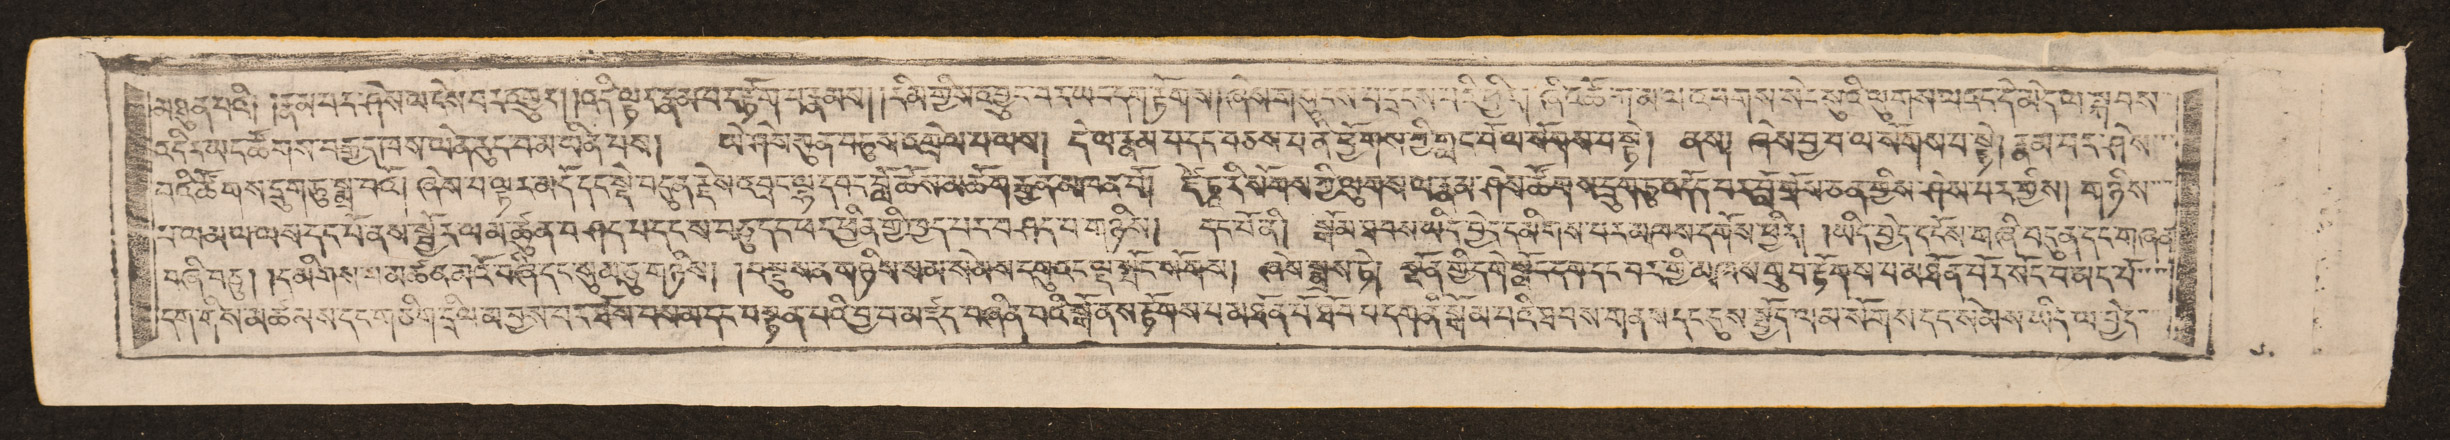མཐུན་པའི། །རྣམ་པར་ཤེས་ལ་ངེས་པར་འགྱུར། །འདི་ལྟར་རྣམ་པར་རྟོག་པ་རྣམས། །རིམ་གྱིས་འབྱུང་བར་ཡང་དག་རྟོགས། ཞེས་གསུངས་པ་དྲངས་པའི་ཕྱིར། ཞི་འཚོ་ཀ་མ་ལ་འཕགས་སེང་སུའི་ལུགས་ལའང་དེ་མེད་ལ་སྐབས་
འདིར་ཡང་ཚོགས་བརྒྱད་ཁས་ལེན་རུང་བ་མ་ཡིན་པས། ཡེ་ཤེས་ཀུན་བཏུས་འགྲེལ་པ་ལས། དེ་ལ་རྣམ་པ་དང་བཅས་པ་ནི་ཕྱོགས་ཀྱི་གླང་པོ་ལ་སོགས་པ་སྟེ། ནས། ཞེས་བྱ་བ་ལ་སོགས་པ་སྟེ། རྣམ་པར་ཤེས་
པའི་ཚོགས་དྲུག་ཏུ་སྨྲ་བའོ། ཞེས་པ་ལྟར་མདོ་དང་སྡེ་བདུན་རྗེས་འབྲང་ལྷ་དབང་བློ་ཆོས་མཆོག་རྒྱན་མཁན་པོ། ཛེ་ཏཱ་རི་སོགས་ཀྱི་ལུགས་ལ་རྣམ་ཤེས་ཚོགས་དྲུག་ཏུ་འདོད་བར་བློ་གྲོས་ཅན་གྱིས་ཤེས་པར་གྱིས། གཉིས་
པ་ལམ་ལ་ལས་དང་པོ་ནས་སྦྱོར་ལམ་ཚུན་བཤད་པ་དང་ས་བཅུ་དང་ཕར་ཕྱིན་གྱི་ཁྱད་པར་བཤད་པ་གཉིས། དང་པོ་ནི། སྒོམ་ཐབས་ཡིད་བྱེད་དམིགས་པར་མཁས་དགོས་ཕྱིར། །ཡིད་བྱེད་དངོས་གཞི་བདུན་དང་གཞན་
བཞི་བཅུ། །དམིགས་པ་མཚན་མའོ་བཞི་དང་སུམ་ཅུ་གཉིས། །བསྡུས་ན་གཉིས་སམ་སེམས་དགུའང་ལྔ་སྤོང་སོགས། ཞེས་སྨྲས་ཏེ། སྔོན་གྱི་དགེ་སློང་དག་དང་བར་གྱི་མཁས་གྲུབ་རྟོགས་པ་མཐོན་པོར་སོང་བ་མང་པོ་
དག་གིས་མཚམས་དང་གཅིག་དྲིལ་མ་བྱས་པར་ཐོས་བསམ་དང་བསྟན་པའི་བྱ་བ་མཛད་བཞིན་པའི་སྒོ་ནས་རྟོགས་པ་མཐོན་པོ་ཐོབ་པ་དག་ནི་སྒོམ་པའི་ཐབས་གནས་དང་དུས་སྤྱོད་ལམ་སོགས་དང་སེམས་ཡིད་ལ་བྱེད་